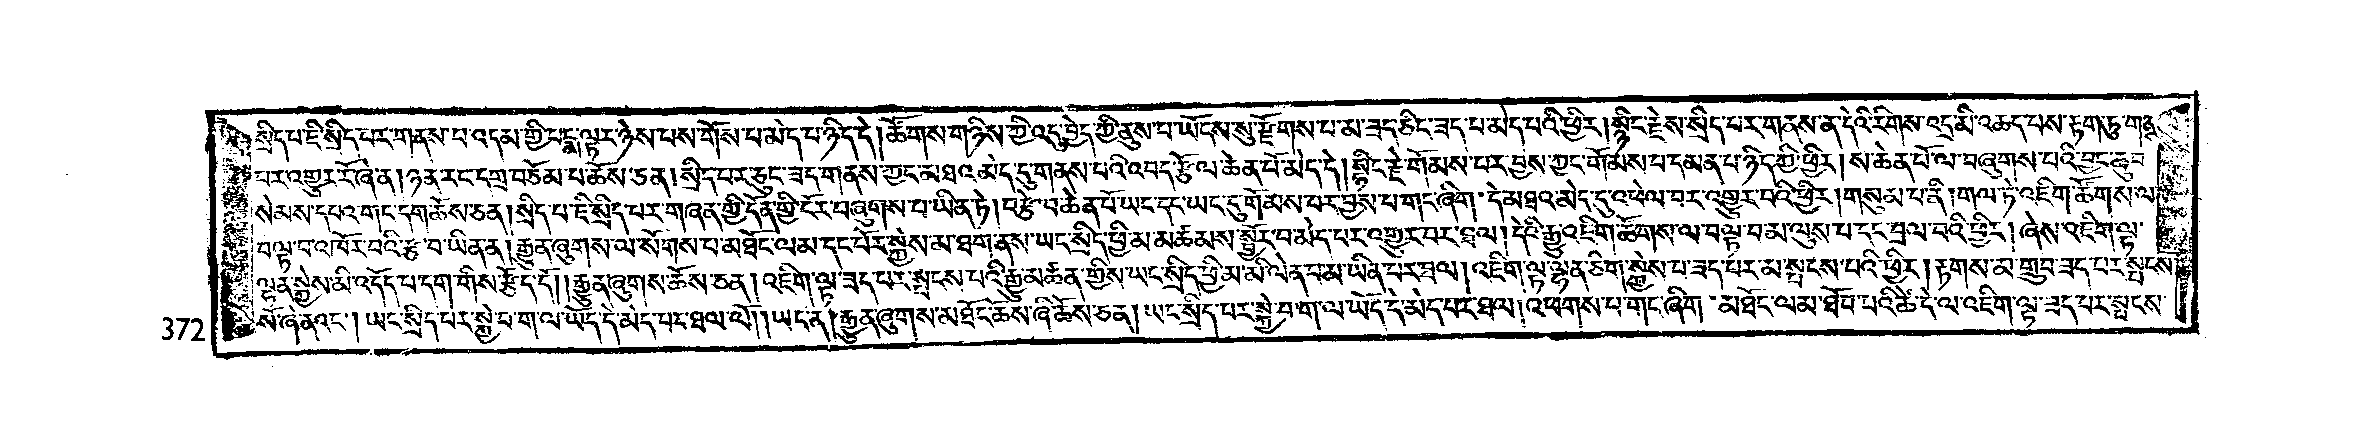སྲིད་པ་ཇི་སྲིད་པར་གནས་པ་འདམ་གྱི་པདམ་ལྟར་ཉེས་པས་གོས་པ་མེད་པ་ཉིད་དེ། ཚོགས་གཉིས་ཀྱི་འདུ་བྱེད་ཀྱི་ནུས་པ་ཡོངས་སུ་རྫོགས་པ་མ་ཟད་ཅིང་ཟད་པ་མེད་པའི་ཕྱིར། སྙིང་རྗེས་སྲིད་པར་གནས་ན་དེའི་རིགས་འདྲ་མི་འཆད་པས་རྟག་ཏུ་གནས་
པར་འགྱུར་རོ་ཞེ་ན། ཉན་རང་དགྲ་བཅོམ་པ་ཆོས་ཅན། སྲིད་པར་ཅུང་ཟད་གནས་ཀྱང་མཐའ་མེད་དུ་གནས་པའི་འབད་རྩོལ་ཆེན་པོ་མེད་དེ། སྙིང་རྗེ་གོམས་པར་བྱས་ཀྱང་གོམས་པ་དམན་པ་ཉིད་ཀྱི་ཕྱིར། ས་ཆེན་པོ་ལ་བཞུགས་པའི་བྱང་ཆུབ་
སེམས་དཔའ་གང་དག་ཆོས་ཅན། སྲིད་པ་ཇི་སྲིད་པར་གཞན་གྱི་དོན་གྱི་ངོར་བཞུགས་པ་ཡིན་ཏེ། བརྩེ་བ་ཆེན་པོ་ཡང་དང་ཡང་དུ་གོམས་པར་བྱས་པ་གང་ཞིག་དེ་མཐའ་མེད་དུ་འཕེལ་བར་འགྱུར་བའི་ཕྱིར། གསུམ་པ་ནི། གལ་ཏེ་འཇིག་ཚོགས་ལ་
བལྟ་བ་འཁོར་བའི་རྩ་བ་ཡིན་ན། རྒྱུན་ཞུགས་ལ་སོགས་པ་མཐོང་ལམ་དང་པོར་སྐྱེས་མ་ཐག་ནས་ཡང་སྲིད་ཕྱི་མ་མཚམས་སྦྱོར་བ་མེད་པར་འགྱུར་བར་ཐལ། དེའི་རྒྱུ་འཇིག་ཚོགས་ལ་བལྟ་བ་མ་ལུས་པ་དང་བྲལ་བའི་ཕྱིར། ཞེས་འཇིག་ལྟ་
ལྷན་སྐྱེས་མི་འདོད་པ་དག་གིས་རྩོད་དོ། །རྒྱུན་ཞུགས་ཆོས་ཅན། འཇིག་ལྟ་ཟད་པར་སྤངས་པའི་རྒྱུ་མཚན་གྱིས་ཡང་སྲིད་ཕྱི་མ་མི་ལེན་པ་མ་ཡིན་པར་ཐལ། འཇིག་ལྟ་ལྷན་ཅིག་སྐྱེས་པ་ཟད་པར་མ་སྤངས་པའི་ཕྱིར། རྟགས་མ་གྲུབ་ཟད་པར་སྤངས་
སོ་ཞེ་ནའང་། ཡང་སྲིད་པར་སྐྱེ་བ་ག་ལ་ཡོད་དེ་མེད་པར་ཐལ་ལོ། །ཡང་ན། རྒྱུན་ཞུགས་མཐོང་ཆོས་ཞི་ཆོས་ཅན། ཡང་སྲིད་པར་སྐྱེ་བ་ག་ལ་ཡོད་དེ་མེད་པར་ཐལ། འཕགས་པ་གང་ཞིག་མཐོང་ལམ་ཐོབ་པའི་ཚེ་དེ་ལ་འཇིག་ལྟ་ཟད་པར་སྤངས་